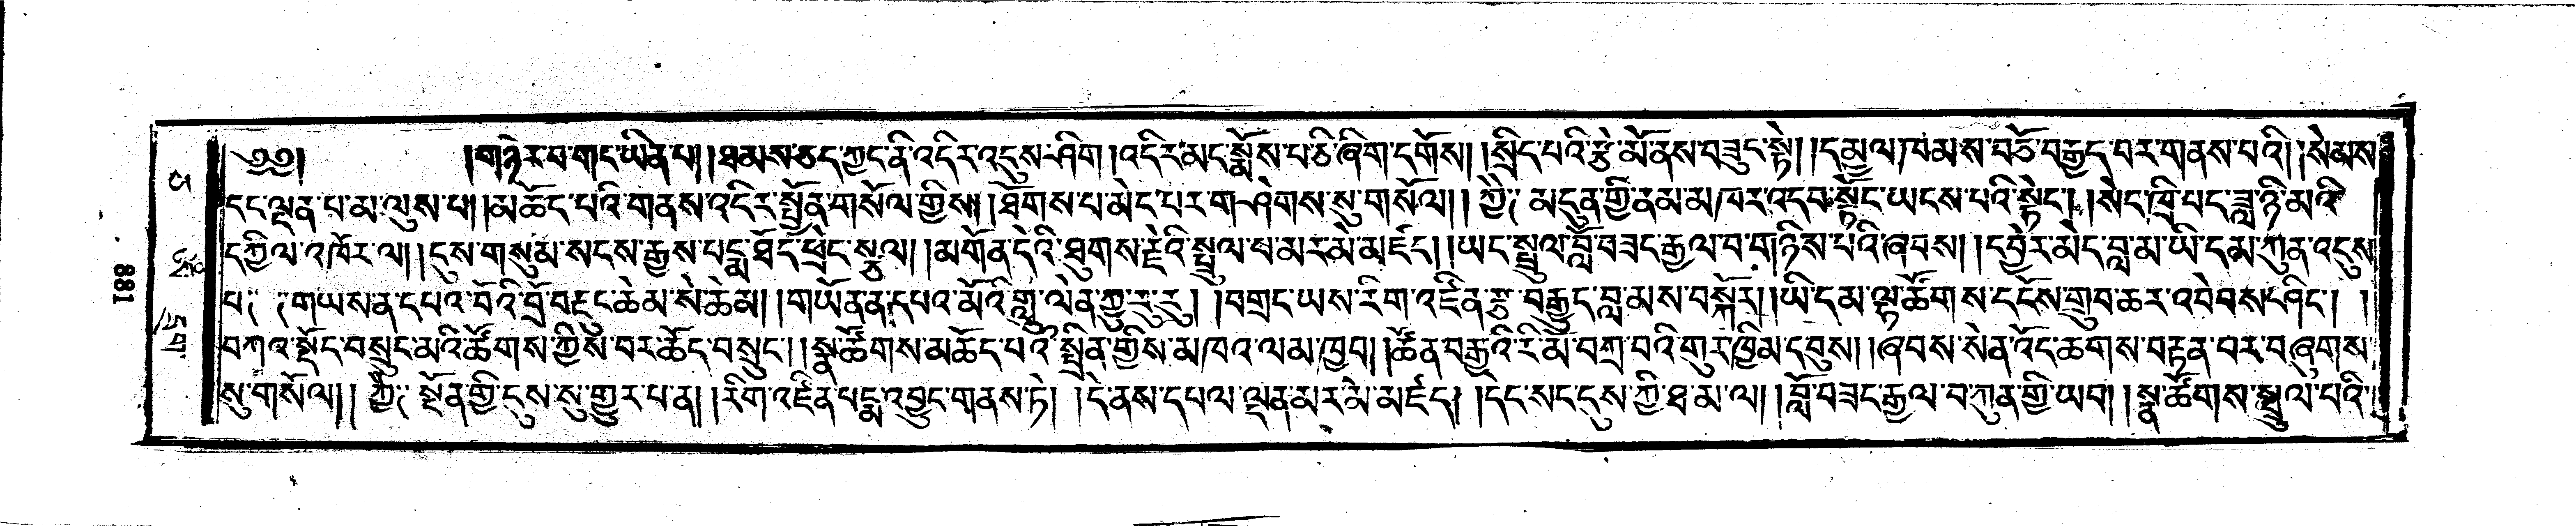༄༅། །གཉེར་བ་གང་ཡིན་པ། །ཐམས་ཅད་ཀྱང་ནི་འདིར་འདུས་ཤིག །འདིར་མང་སྨོས་པ་ཅི་ཞིག་དགོས། །སྲིད་པའི་རྩེ་མོ་ནས་བཟུང་སྟེ། །དམྱལ་ཁམས་བཅོ་བརྒྱད་པར་གནས་པའི། །སེམས་
དང་ལྡན་པ་མ་ལུས་པ། །མཆོད་པའི་གནས་འདིར་སྤྱོན་གསོལ་གྱིས། །ཐོགས་པ་མེད་པར་གཤེགས་སུ་གསོལ། །ཀྱཻ། མདུན་གྱི་ནམ་མཁར་འདབ་སྟོང་ཡངས་པའི་སྟེང་། །སེང་ཁྲི་པད་ཟླ་ཉི་མའི་
དཀྱིལ་འཁོར་ལ། །དུས་གསུམ་སངས་རྒྱས་པདམ་ཐོད་ཕྲེང་སྩལ། །མགོན་དེའི་ཐུགས་རྗེའི་སྤྲུལ་པ་མར་མེ་མཛད། །ཡང་སྤྲུལ་བློ་བཟང་རྒྱལ་བ་གཉིས་པའི་ཞབས། །དབྱེར་མེད་བླ་མ་ཡི་དམ་ཀུན་འདུས་
པ། །གཡས་ན་དཔའ་བོའི་བྲོ་བརྡུང་ཆེམ་སེ་ཆེམ། །གཡོན་ན་དཔའ་མོའི་གླུ་ལེན་ཀྱུ་རུ་རུ། །བགྲང་ཡས་རིག་འཛིན་རྩ་བརྒྱུད་བླ་མས་བསྐོར། །ཡི་དམ་ལྷ་ཚོགས་དངོས་གྲུབ་ཆར་འབེབས་ཤིང་། །
བཀའ་སྡོད་བསྲུང་མའི་ཚོགས་ཀྱིས་བར་ཆོད་བསྲུང་། །སྣ་ཚོགས་མཆོད་པའི་སྤྲིན་གྱིས་མཁའ་ལམ་ཁྱབ། །ཚོན་བརྒྱའི་རི་མོ་བཀྲ་བའི་གུར་ཁྱིམ་དབུས། །ཞབས་སེན་འོད་ཆགས་བརྟན་པར་བཞུགས་
སུ་གསོལ། །ཀྱཻ། སྔོན་གྱི་དུས་སུ་གྱུར་པ་ན། །རིག་འཛིན་པདམ་འབྱུང་གནས་ཏེ། །དེ་ནས་དཔལ་ལྡན་མར་མེ་མཛད། །དེང་སང་དུས་ཀྱི་ཐ་མ་ལ། །བློ་བཟང་རྒྱལ་བ་ཀུན་གྱི་ཡབ། །སྣ་ཚོགས་སྤྲུལ་པའི་